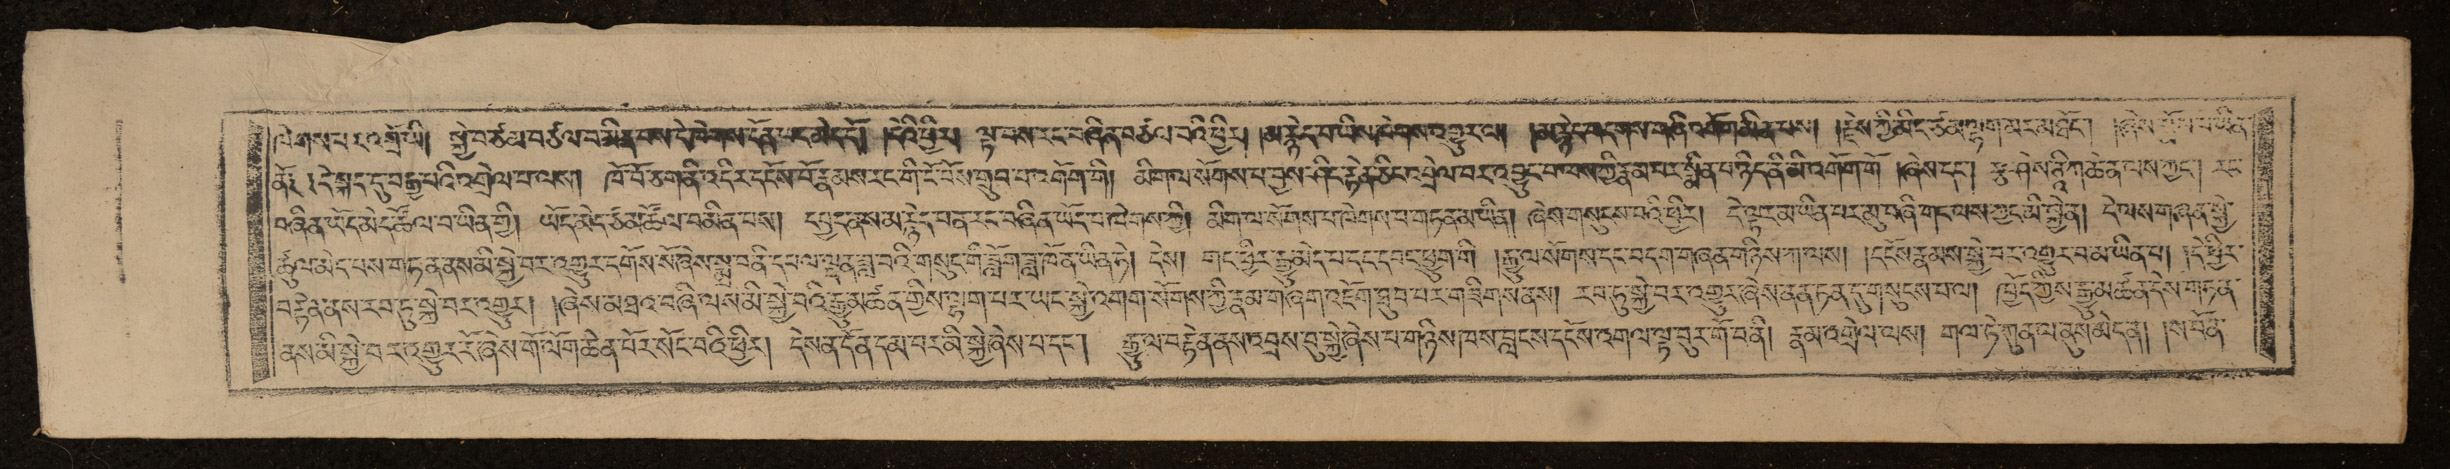ཁེགས་པར་འགྲོ་ཡི། སྐྱེ་བ་ཙམ་བཙལ་བ་མིན་པས་དེ་ཁེགས་དོན་ཡང་མེད་དོ། །དེའི་ཕྱིར། ལྟ་བས་རང་བཞིན་བཙལ་བའི་ཕྱིར། །མ་རྙེད་པ་ཡིས་ཁེགས་འགྱུར་ལ། །མ་རྙེད་གདགས་གཞི་འགོག་མིན་པས། །རྗེས་ཀྱི་མིང་ཙམ་ལྷག་མར་མཐོང་། །ཞེས་སྨོས་བ་ཡིན་
ནོ༑ ༑དེ་སྐད་དུ་བརྒྱ་བའི་འགྲེལ་བ་ལས། ཁོ་བོ་ཅག་ནི་འདིར་དངོས་པོ་རྣམས་རང་གི་ངོ་བོས་གྲུབ་པ་འགོག་གི། མིག་ལས་སོགས་པ་བྱས་ཤིང་རྟེན་ཅིང་འབྲེལ་བར་འབྱུང་བ་ལས་ཀྱི་རྣམ་པར་སྨིན་པ་ཉིད་ནི་མི་འགོག་གོ། །ཞེས་དང་། རྩ་ཤེས་ཊཱིཀ་ཆེན་ལས་ཀྱང་། རང་
བཞིན་ཡོད་མེད་ཚོལ་བ་ཡིན་གྱི། ཡོད་མེད་ཙམ་ཚོལ་བ་མིན་བས། དཔྱད་ནས་མ་རྙེད་པ་ན་རང་བཞིན་ཡོད་པ་ཁེགས་ཀྱི། མིག་ལ་སོགས་པ་ཁེགས་པ་གཏན་མ་ཡིན། ཞེས་གསུངས་པའི་ཕྱིར། དེ་ལྟར་མ་ཡིན་པར་མུ་བཞི་གང་ལས་ཀྱང་མི་སྐྱེན། དེ་ལས་གཞན་སྐྱེ་
ཚུལ་མེད་པས་གཏན་ནས་མི་སྐྱེ་བར་འགྱུར་དགོས་སོ་ཞེས་སྨྲ་བ་ནི་དཔལ་ལྡན་ཟླ་བའི་གསུང་གི་ཟློག་ཟླ་ཁོ་ན་ཡིན་ཏེ། དེས། གང་ཕྱིར་རྒྱུ་མེད་པ་དང་དབང་ཕྱུག་གི །རྒྱུ་ལ་སོགས་དང་བདག་གཞན་གཉིས་ཀ་ལས། །དངོས་རྣམས་སྐྱེ་བར་འགྱུར་བ་མ་ཡིན་པ། །དེ་ཕྱིར་
བརྟེན་ནས་རབ་ཏུ་སྐྱེ་བར་འགྱུར། །ཞེས་མཐའ་བཞི་ལས་མི་སྐྱེ་བའི་རྒྱུ་མཚན་གྱིས་ལྷག་པར་ཡང་སྐྱེ་འགག་སོགས་ཀྱི་རྣམ་གཞག་འཇོག་ཐུབ་པར་གཟིགས་ནས། རབ་ཏུ་སྐྱེ་བར་འགྱུར་ཞེས་ནན་ཏན་དུ་གསུངས་བ་ལ། ཁྱོད་ཀྱིས་རྒྱུ་མཚན་དེས་གཏན་
ནས་མི་སྐྱེ་བར་འགྱུར་རོ་ཞེས་གོ་ལོག་ཆེན་པོར་སོང་བའི་ཕྱིར། དེས་ན་དོན་དམ་པར་མི་སྐྱེ་ཞེས་བ་དང་། རྒྱུ་ལ་བརྟེན་ནས་འབྲས་བུ་སྐྱེ་ཞེས་པ་གཉིས་ཁས་བླངས་དངོས་འགལ་ལྟ་བུར་གོ་བ་ནི། རྣམ་འགྲེལ་ལས། གལ་ཏེ་ཀུན་ལ་ནུས་མེད་ན། །ས་བོན་